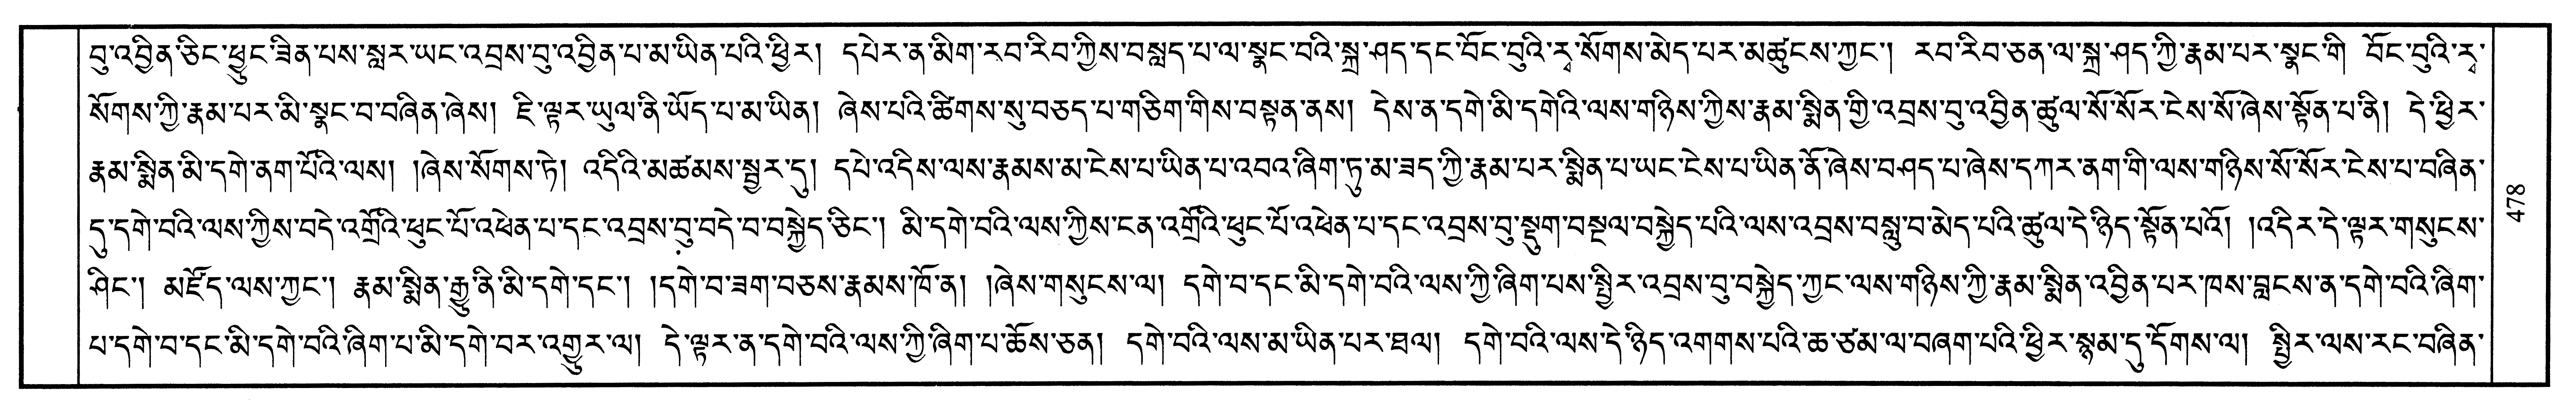བུ་འབྱིན་ཅིང་ཕྱུང་ཟིན་པས་སླར་ཡང་འབྲས་བུ་འབྱིན་པ་མ་ཡིན་པའི་ཕྱིར། དཔེར་ན་མིག་རབ་རིབ་ཀྱིས་བསླད་པ་ལ་སྣང་བའི་སྐྲ་ཤད་དང་བོང་བུའི་རྭ་སོགས་མེད་པར་མཚུངས་ཀྱང་། རབ་རིབ་ཅན་ལ་སྐྲ་ཤད་ཀྱི་རྣམ་པར་སྣང་གི། བོང་བུའི་རྭ་
སོགས་ཀྱི་རྣམ་པར་མི་སྣང་བ་བཞིན་ཞེས། ཇི་ལྟ་ཡུལ་ནི་ཡོད་པ་མ་ཡིན། ཞེས་པའི་ཚིགས་སུ་བཅད་པ་གཅིག་གིས་བསྟན་ནས། དེས་ན་དགེ་མི་དགེའི་ལས་གཉིས་ཀྱིས་རྣམ་སྨིན་གྱི་འབྲས་བུ་འབྱིན་ཚུལ་སོ་སོར་ངེས་སོ་ཞེས་སྟོན་པ་ནི། དེ་ཕྱིར་
རྣམ་སྨིན་མི་དགེ་ནག་པོའི་ལས། །ཞེས་སོགས་ཏེ། འདིའི་མཚམས་སྦྱར་དུ། དཔེ་འདིས་ལས་རྣམས་མ་ངེས་པ་ཡིན་པ་འབའ་ཞིག་ཏུ་མ་ཟད་ཀྱི་རྣམ་པར་སྨིན་པ་ཡང་ངེས་པ་ཡིན་ནོ་ཞེས་བཤད་པ་ཞེས་དཀར་ནག་གི་ལས་གཉིས་སོ་སོར་ངེས་པ་བཞིན་
དུ་དགེ་བའི་ལས་ཀྱིས་བདེ་འགྲོའི་ཕུང་པོ་འཕེན་པ་དང་འབྲས་བུ་བདེ་བ་བསྐྱེད་ཅིང་། མི་དགེ་བའི་ལས་ཀྱིས་ངན་འགྲོའི་ཕུང་པོ་འཕེན་པ་དང་འབྲས་བུ་སྡུག་བསྔལ་བསྐྱེད་པའི་ལས་འབྲས་བསླུ་བ་མེད་པའི་ཚུལ་དེ་ཉིད་སྟོན་པའོ། །འདིར་དེ་ལྟར་གསུངས་
ཤིང་། མཛོད་ལས་ཀྱང་། རྣམ་སྨིན་རྒྱུ་ནི་མི་དགེ་དང་། །དགེ་བ་ཟག་བཅས་རྣམས་ཁོ་ན། །ཞེས་གསུངས་ལ། དགེ་བ་དང་མི་དགེ་བའི་ལས་ཀྱི་ཞིག་པས་སྤྱིར་འབྲས་བུ་བསྐྱེད་ཀྱང་ལས་གཉིས་ཀྱི་རྣམ་སྨིན་འབྱིན་པར་ཁས་བླངས་ན་དགེ་བའི་ཞིག་
པ་དགེ་བ་དང་མི་དགེ་བའི་ཞིག་པ་མི་དགེ་བར་འགྱུར་ལ། དེ་ལྟར་ན་དགེ་བའི་ལས་ཀྱི་ཞིག་པ་ཆོས་ཅན། དགེ་བའི་ལས་མ་ཡིན་པར་ཐལ། དགེ་བའི་ལས་དེ་ཉིད་འགགས་པའི་ཆ་ཙམ་ལ་བཞག་པའི་ཕྱིར་སྙམ་དུ་དོགས་ལ། སྤྱིར་ལས་རང་བཞིན་